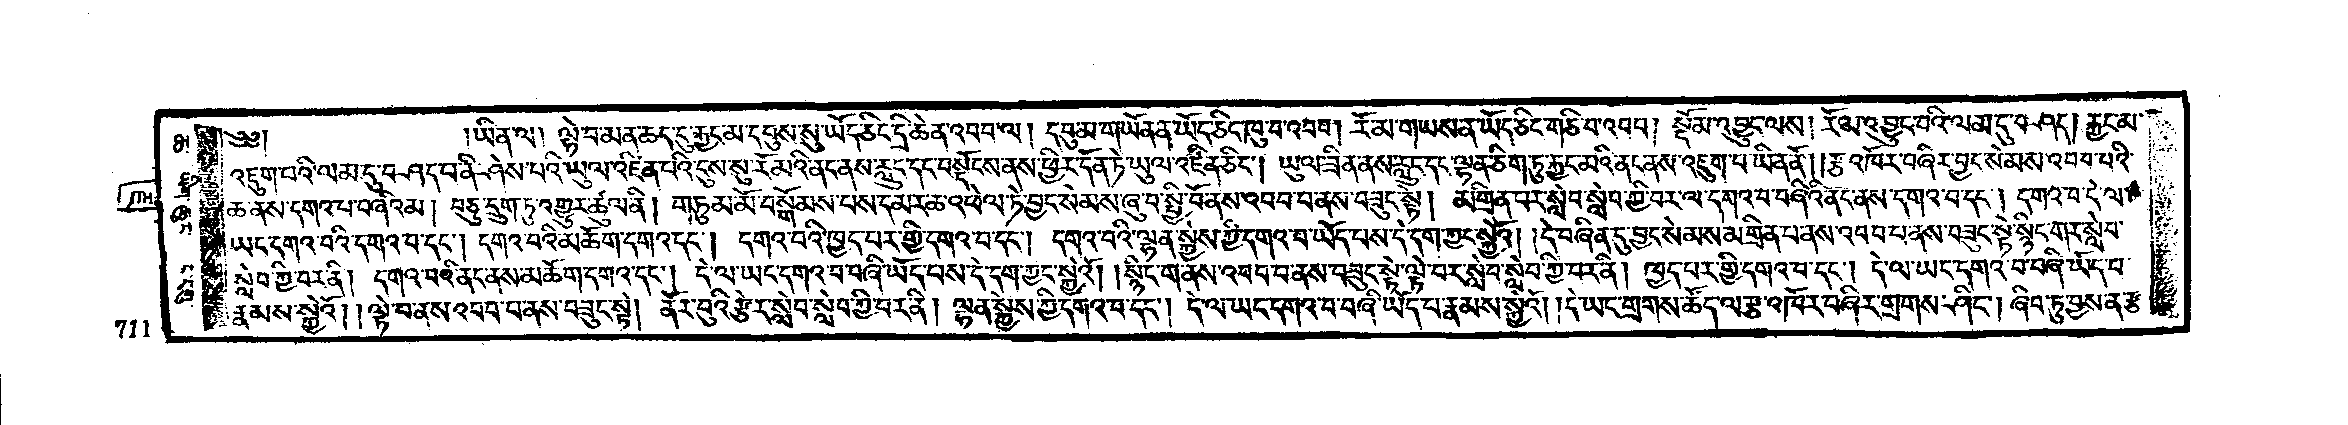༄༅། །ཡིན་ལ། ལྟེ་བ་མན་ཆད་དུ་རྐྱང་མ་དབུས་སུ་ཡོད་ཅིང་དྲི་ཆེན་འབབ་ལ། དབུ་མ་གཡོན་ན་ཡོད་ཅིང་ཁུ་བ་འབབ། རོ་མ་གཡས་ན་ཡོད་ཅིང་གཅི་བ་འབབ། སྡོམ་འབྱུང་ལས། རོ་མ་འབྱུང་བའི་ལམ་དུ་བཤད། རྐྱང་མ་
འཇུག་པའི་ལམ་དུ་བཤད་པ་ནི་ཤེས་པའི་ཡུལ་འཛིན་པའི་དུས་སུ་རོ་མའི་ནང་ནས་རླུང་དང་བསྡོངས་ནས་ཕྱིར་དོན་ཏེ་ཡུལ་འཛིན་ཅིང་། ཡུལ་ཟིན་ནས་རླུང་དང་ལྷན་ཅིག་ཏུ་རྐྱང་མའི་ནང་ནས་འཇུག་པ་ཡིན་ནོ། །རྩ་འཁོར་བཞིར་བྱང་སེམས་འབབ་པའི་
ཆ་ནས་དགའ་པོ་བཞིའམ། བཅུ་དྲུག་ཏུ་འགྱུར་ཚུལ་ནི། གཏུམ་མོ་བསྒོམས་པས་དམར་ཆ་འཕེལ་ཏེ་བྱང་སེམས་ཞུ་བ་སྤྱི་བོ་ནས་འབབ་པ་ནས་བཟུང་སྟེ། མགྲིན་པར་སླེབ་སླེབ་ཀྱི་བར་ལ་དགའ་བ་བཞིའི་ནང་ནས་དགའ་བ་དང་། དགའ་བ་དེ་ལ་
ཡང་དགའ་བའི་དགའ་བ་དང་། དགའ་བའི་མཆོག་དགའ་དང་། དགའ་བའི་ཁྱད་པར་གྱི་དགའ་བ་དང་། དགའ་བའི་ལྷན་སྐྱེས་ཀྱི་དགའ་བ་ཡོད་པས་དེ་དག་ཀྱང་སྐྱེའོ། །དེ་བཞིན་དུ་བྱང་སེམས་མགྲིན་པ་ནས་འབབ་པ་ནས་བཟུང་སྟེ་སྙིང་གར་སླེབ་
སླེབ་ཀྱི་བར་ནི། དགའ་བའི་ནང་ནས་མཆོག་དགའ་དང་། དེ་ལ་ཡང་དགའ་བ་བཞི་ཡོད་པས་དེ་དག་ཀྱང་སྐྱེའོ། །སྙིང་ག་ནས་འབབ་པ་ནས་བཟུང་སྟེ་ལྟེ་བར་སླེབ་སླེབ་ཀྱི་བར་ནི། ཁྱད་པར་གྱི་དགའ་བ་དང་། དེ་ལ་ཡང་དགའ་བ་བཞི་ཡོད་པ་
རྣམས་སྐྱེའོ། །ལྟེ་བ་ནས་འབབ་པ་ནས་བཟུང་སྟེ། ནོར་བུའི་རྩེར་སླེབ་སླེབ་ཀྱི་བར་ནི། ལྷན་སྐྱེས་ཀྱི་དགའ་བ་དང་། དེ་ལ་ཡང་དགའ་བ་བཞི་ཡོད་པ་རྣམས་སྐྱེའོ། །དེ་ཡང་གྲགས་ཚོད་ལ་རྩ་འཁོར་བཞིར་གྲགས་ཤིང་། ཞིབ་ཏུ་བྱས་ན་རྩ་